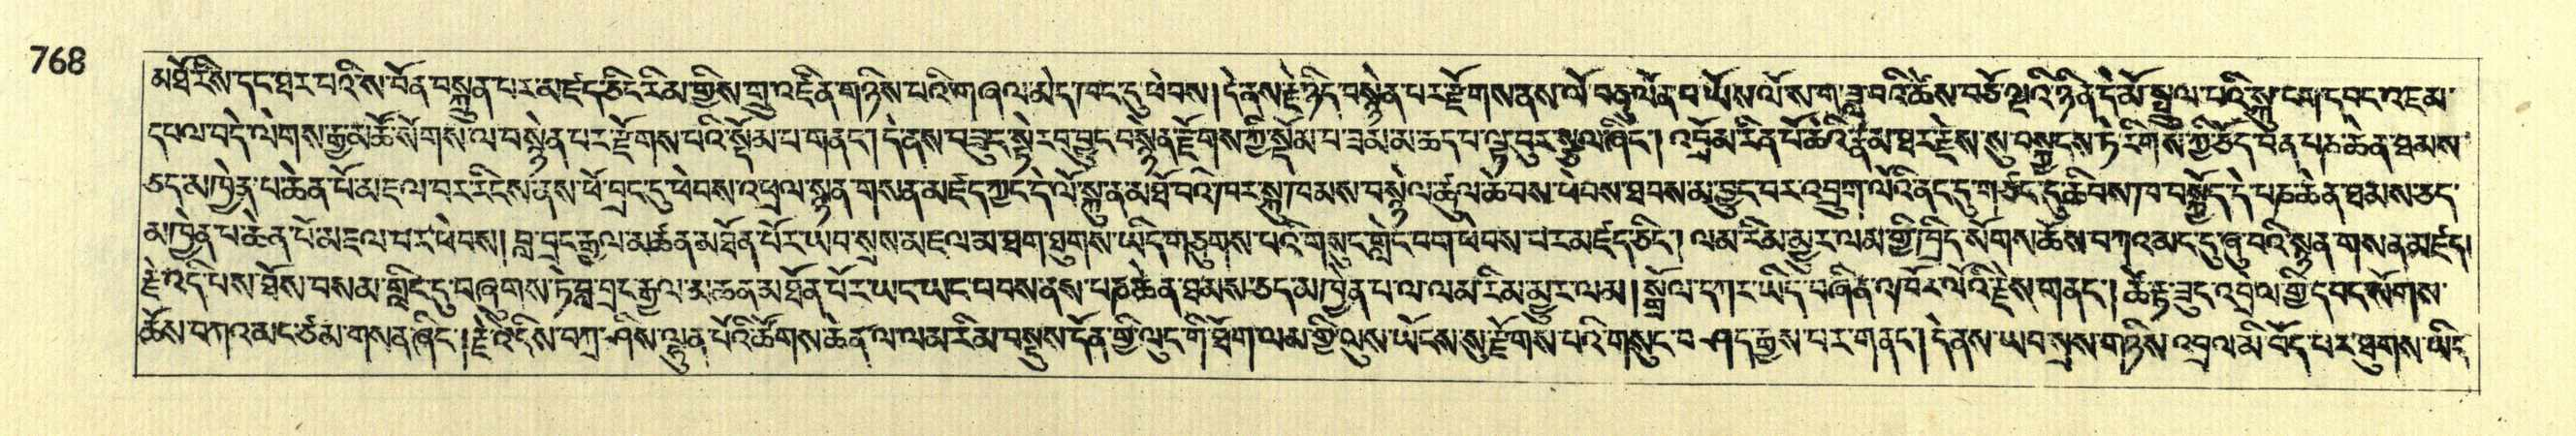མཐོ་རིས་དང་ཐར་པའི་ས་བོན་བསྐྲུན་པར་མཛད་ཅིང་རིམ་གྱིས་གྲུ་འཛིན་གཉིས་པའི་གཞལ་མེད་ཁང་དུ་ཕེབས། དེ་ནས་རྗེ་ཉིད་བསྙེན་པར་རྫོགས་ནས་ལོ་བཅུ་ལོན་པ་ཡོས་ལོ་ས་ག་ཟླ་བའི་ཚེས་བཅོ་ལྔའི་ཉིན་དེ་མོ་སྤྲུལ་པའི་སྐུ་ངག་དབང་འཇམ་
དཔལ་བདེ་ལེགས་རྒྱ་མཚོ་སོགས་ལ་བསྙེན་པར་རྫོགས་པའི་སྡོམ་པ་གནང་། དེ་ནས་བཟུང་སྟེ་རབ་བྱུང་བསྙེན་རྫོགས་ཀྱི་སྡོམ་པ་ཟམ་མ་ཆད་པ་ལྟ་བུར་སྩལ་ཞིང་། འབྲོམ་རིན་པོ་ཆེའི་རྣམ་ཐར་རྗེས་སུ་བསྐྱངས་ཏེ་རིགས་ཀྱི་ཅོད་བན་པཎ་ཆེན་ཐམས་
ཅད་མཁྱེན་པ་ཆེན་པོ་མཇལ་བར་རིངས་ནས་ཕོ་བྲང་དུ་ཕེབས་འཕྲལ་སྙན་གསན་མཛད་ཀྱང་དེ་ལོ་སྐུ་ན་མཐོ་བའི་ཁར་སྐུ་ཁམས་བསྙེལ་ཚུལ་ཆེ་བས་ཕེབས་ཐབས་མ་བྱུང་བར་འབྲུག་ལོའི་ནང་དུ་གཙང་དུ་ཆིབས་ཁ་བསྐྱོད་དེ་པཎ་ཆེན་ཐམས་ཅད་
མཁྱེན་པ་ཆེན་པོ་མཇལ་བར་ཕེབས། བླ་བྲང་རྒྱལ་མཚན་མཐོན་པོར་ཡབ་སྲས་མཇལ་མ་ཐག་ཐུགས་ཡིད་གཅུགས་པའི་གསུང་གླེང་བག་ཕེབས་པར་མཛད་ཅིང་། ལམ་རིམ་མྱུར་ལམ་གྱི་ཁྲིད་སོགས་ཆོས་བཀའ་མང་དུ་ཞུ་བའི་སྙན་གསན་མཛད།
རྗེ་འདི་པས་ཐོས་བསམ་གླིང་དུ་བཞུགས་ཏེ་བླ་བྲང་རྒྱལ་མཆན་མཐོན་པོར་ཡང་ཡང་པ་བས་ནས་པཎ་ཆེན་ཐམས་ཅད་མཁྱེན་པ་ལ་ལམ་རིམ་མྱུར་ལམ། སྒྲོལ་དཀར་ཡིད་བཞིན་འཁོར་ལོའི་རྗེས་གནང་། ཚེ་རྟ་ཟུང་འབྲེལ་གྱི་དབང་སོགས་
ཆོས་བཀའ་མང་ཙམ་གསན་ཞིང་། རྗེ་འདིས་བཀྲ་ཤིས་ལྷུན་པོའི་ཚོགས་ཆེན་ལ་ལམ་རིམ་བསྡུས་དོན་གྱི་ལུང་གི་ཐོག་ལམ་གྱི་ལུས་ཡོངས་སུ་རྫོགས་པའི་གསུང་བཤད་རྒྱས་པར་གནང་། དེ་ནས་ཡབ་སྲས་གཉིས་འབྲལ་མི་བོད་པར་ཐུགས་ཡིད་